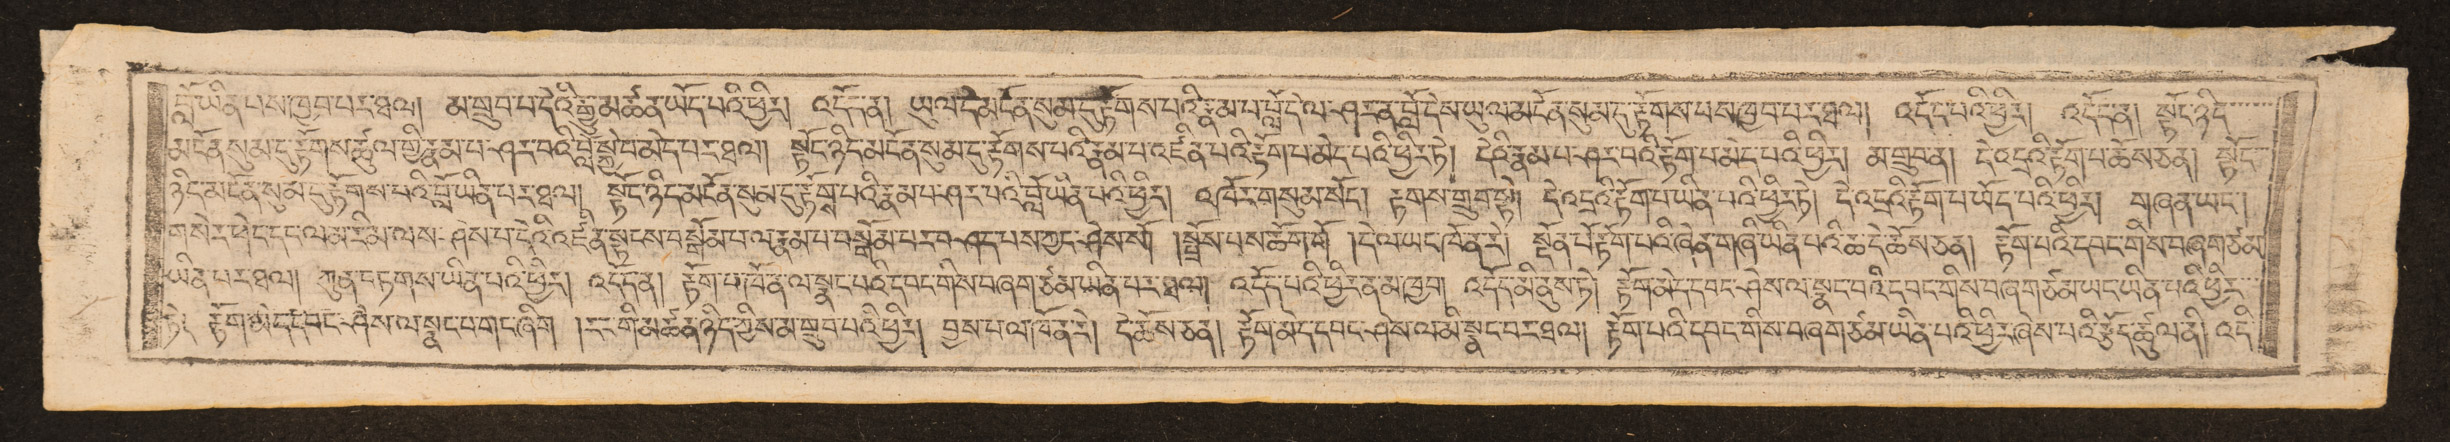བློ་ཡིན་པས་ཁྱབ་པར་ཐལ། མ་གྲུབ་པ་དེའི་རྒྱུ་མཚན་ཡོད་པའི་ཕྱིར། འདོད་ན། ཡུལ་དེ་མངོན་སུམ་དུ་རྟོགས་པའི་རྣམ་པ་བློ་དེ་ལ་ཤར་ན་བློ་དེས་ཡུལ་མངོན་སུམ་དུ་རྟོགས་པས་ཁྱབ་པར་ཐལ། འདོད་པའི་ཕྱིར། འདོད་ན། སྟོང་ཉིད་
མངོན་སུམ་དུ་རྟོགས་ཚུལ་གྱི་རྣམ་པ་ཤར་བའི་བློ་སྐྱེ་བ་མེད་པར་ཐལ། སྟོང་ཉིད་མངོན་སུམ་དུ་རྟོགས་པའི་རྣམ་པ་འཛིན་པའི་རྟོག་པ་མེད་པའི་ཕྱིར་ཏེ། དེའི་རྣམ་པ་ཤར་བའི་རྟོག་པ་མེད་པའི་ཕྱིར། མ་གྲུབ་ན། དེ་འདྲའི་རྟོག་པ་ཆོས་ཅན། སྟོང་
ཉིད་མངོན་སུམ་དུ་རྟོགས་པའི་བློ་ཡིན་པར་ཐལ། སྟོང་ཉིད་མངོན་སུམ་དུ་རྟོགས་པའི་རྣམ་པ་ཤར་བའི་བློ་ཡིན་པའི་ཕྱིར། འཁོར་གསུམ་སོང་། རྟགས་གྲུབ་སྟེ། དེ་འདྲའི་རྟོག་པ་ཡིན་པའི་ཕྱིར་ཏེ། དེ་འདྲའི་རྟོག་པ་ཡོད་པའི་ཕྱིར། གཞན་ཡང་།
གསེར་ཕྲེང་དང་ལམ་རིམ་ལས་ཤེས་པ་དེའི་འཛིན་སྟངས་བསྒོམ་པ་ལ་རྣམ་པ་བསྒོམ་པར་བཤད་པས་ཀྱང་ཤེས་སོ། །སྤྲོས་པས་ཆོག་གོ །དེ་ལ་ཡང་ཁོ་ན་རེ། སྔོན་པོ་རྟོག་པའི་ཞེན་གཞི་ཡིན་པའི་ཆ་དེ་ཆོས་ཅན། རྟོག་པའི་དབང་གིས་བཞག་ཙམ་
ཡིན་པར་ཐལ། ཀུན་བཏགས་ཡིན་པའི་ཕྱིར། འདོད་ན། རྟོག་པ་ཁོ་ན་ལ་སྣང་བའི་དབང་གིས་བཞག་ཙམ་ཡིན་པར་ཐལ། འདོད་པའི་ཕྱིར་ན་མ་ཁྱབ། འདོད་མི་ནུས་ཏེ། རྟོག་མེད་དབང་ཤེས་ལ་སྣང་བའི་དབང་གིས་བཞག་ཙམ་ཡང་ཡིན་པའི་ཕྱིར་
ཏེ༑ རྟོག་མེད་དབང་ཤེས་ལ་སྣང་བ་གང་ཞིག །རང་གི་མཚན་ཉིད་ཀྱིས་མ་གྲུབ་པའི་ཕྱིར། བྱས་པ་ལ་ཁོ་ན་རེ། དེ་ཆོས་ཅན། རྟོག་མེད་དབང་ཤེས་ལ་མི་སྣང་བར་ཐལ། རྟོག་པའི་དབང་གིས་བཞག་ཙམ་ཡིན་པའི་ཕྱིར་ཞེས་པའི་རྩོད་ཚུལ་ནི། འདི་